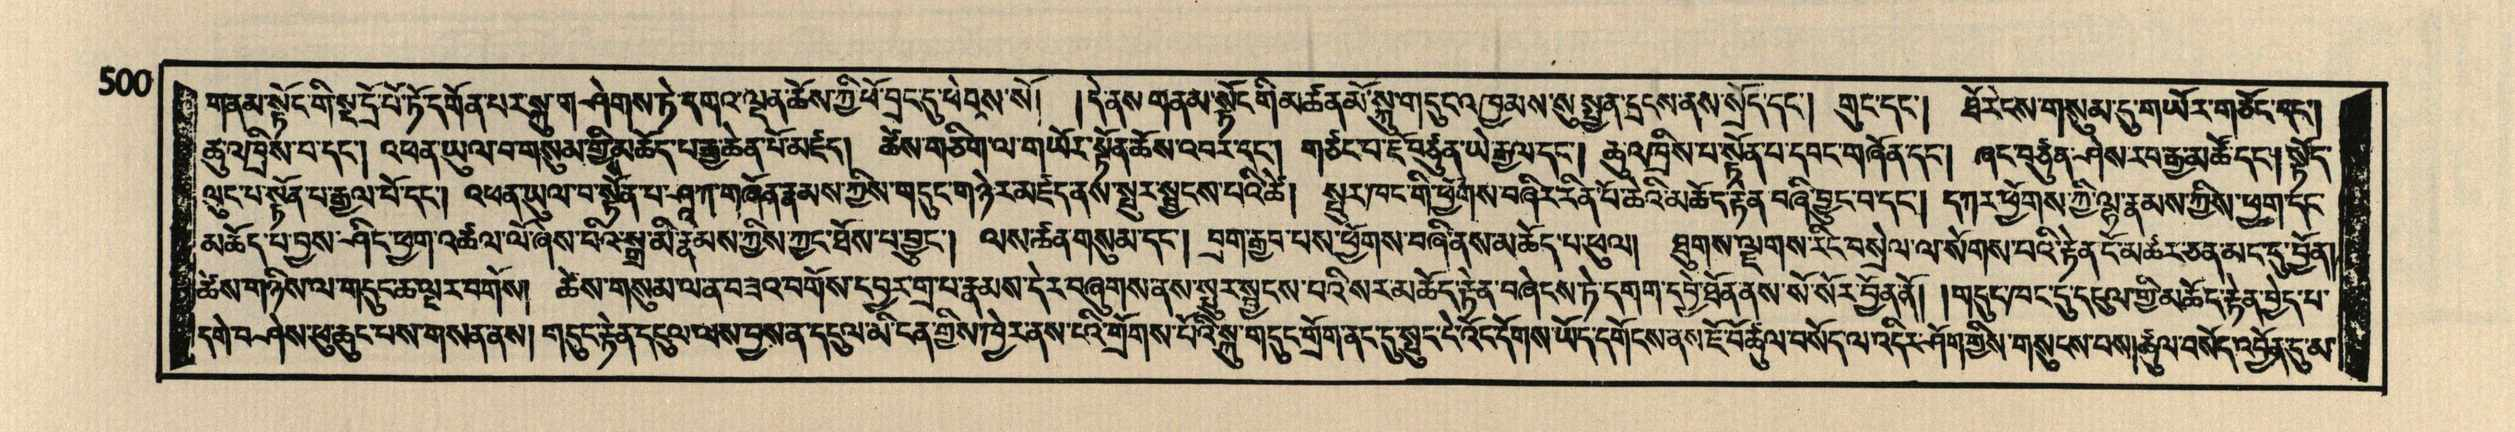གནམ་སྟོང་གི་སྔ་དྲོ་པོ་ཏོ་དགོན་པར་སྐུ་གཤེགས་ཏེ་དགའ་ལྡན་ཆོས་ཀྱི་ཕོ་བྲང་དུ་ཕེབས་སོ། །དེ་ནས་གནམ་སྟོང་གི་མཚན་མོ་སྐུ་གདུང་འཁྱམས་སུ་སྤྱན་དྲངས་ནས་སྲོད་དང་། གུང་དང་། ཐོ་རེངས་གསུམ་དུ་གཡོར་གཅོང་དང་།
ཆུ་འཁྲིས་པ་དང་། འཕན་ཡུལ་བ་གསུམ་གྱི་མཆོད་པ་རྒྱ་ཆེན་པོ་མཛད། ཚེས་གཅིག་ལ་གཡོར་སྟོན་ཆོས་འབར་དང་། གཙང་བ་ཇོ་བཙུན་ཡེ་རྒྱལ་དང་། ཆུ་འཁྲིས་པ་སྟོན་པ་དབང་གཞོན་དང་། ཞང་བཙུན་ཤེས་རབ་རྒྱ་མཚོ་དང་། སྟོད་
ལུང་པ་སྟོན་པ་རྒྱལ་པོ་དང་། འཕན་ཡུལ་བ་སྟོན་པ་ཤཱཀ་གཞོན་རྣམས་ཀྱིས་གདུང་གཉེར་མཛད་ནས་སྤུར་སྦྱངས་པའི་ཚེ། སྤུར་ཁང་གི་ཕྱོགས་བཞིར་རིན་པོ་ཆེའི་མཆོད་རྟེན་བཞི་བྱུང་བ་དང་། དཀར་ཕྱོགས་ཀྱི་ལྷ་རྣམས་ཀྱིས་ཕྱག་དང་
མཆོད་པ་བྱས་ཤིང་ཕྱག་འཚལ་ལོ་ཞེས་པའི་སྒྲ་མི་རྣམས་ཀྱིས་ཀྱང་ཐོས་པ་བྱུང་། ལས་ཚན་གསུམ་དང་། བྲག་རྒྱབ་པས་ཕྱོགས་བཞི་ནས་མཆོད་པ་ཕུལ། ཐུགས་ལྗགས་རིང་བསྲེལ་ལ་སོགས་པའི་རྟེན་ངོ་མཚར་ཅན་མང་དུ་བྱོན།
ཚེས་གཉིས་ལ་གདུང་ཆ་ལྔར་བགོས། ཚེས་གསུམ་ལ་ན་བཟའ་བགོས་དབྱར་གྲ་པ་རྣམས་དེར་བཞུགས་ནས་སྤུར་སྦྱངས་པའི་སར་མཆོད་རྟེན་བཞེངས་ཏེ་དགག་དབྱེ་ཐོན་ནས་སོ་སོར་བྱོན་ནོ། །གདུང་ཁང་དུ་དངུལ་གྱི་མཆོད་རྟེན་བྱེད་པ་
དགེ་བཤེས་ཕུ་ཆུང་པས་གསན་ནས། གདུང་རྟེན་དངུལ་ལས་བྱས་ན་དངུལ་མི་ངན་གྱིས་ཁྱེར་ནས་ངའི་གྲོགས་པོའི་སྐུ་གདུང་གྲོག་ནང་དུ་སྤུང་དེ་འོང་དོགས་ཡོད་དགོངས་ནས་ཇོ་བོ་ཚུལ་བསོད་ལ་འདིར་ཤོག་གྱིས་གསུངས་པས། ཚུལ་བསོད་འབྱོན་དུ་མ་